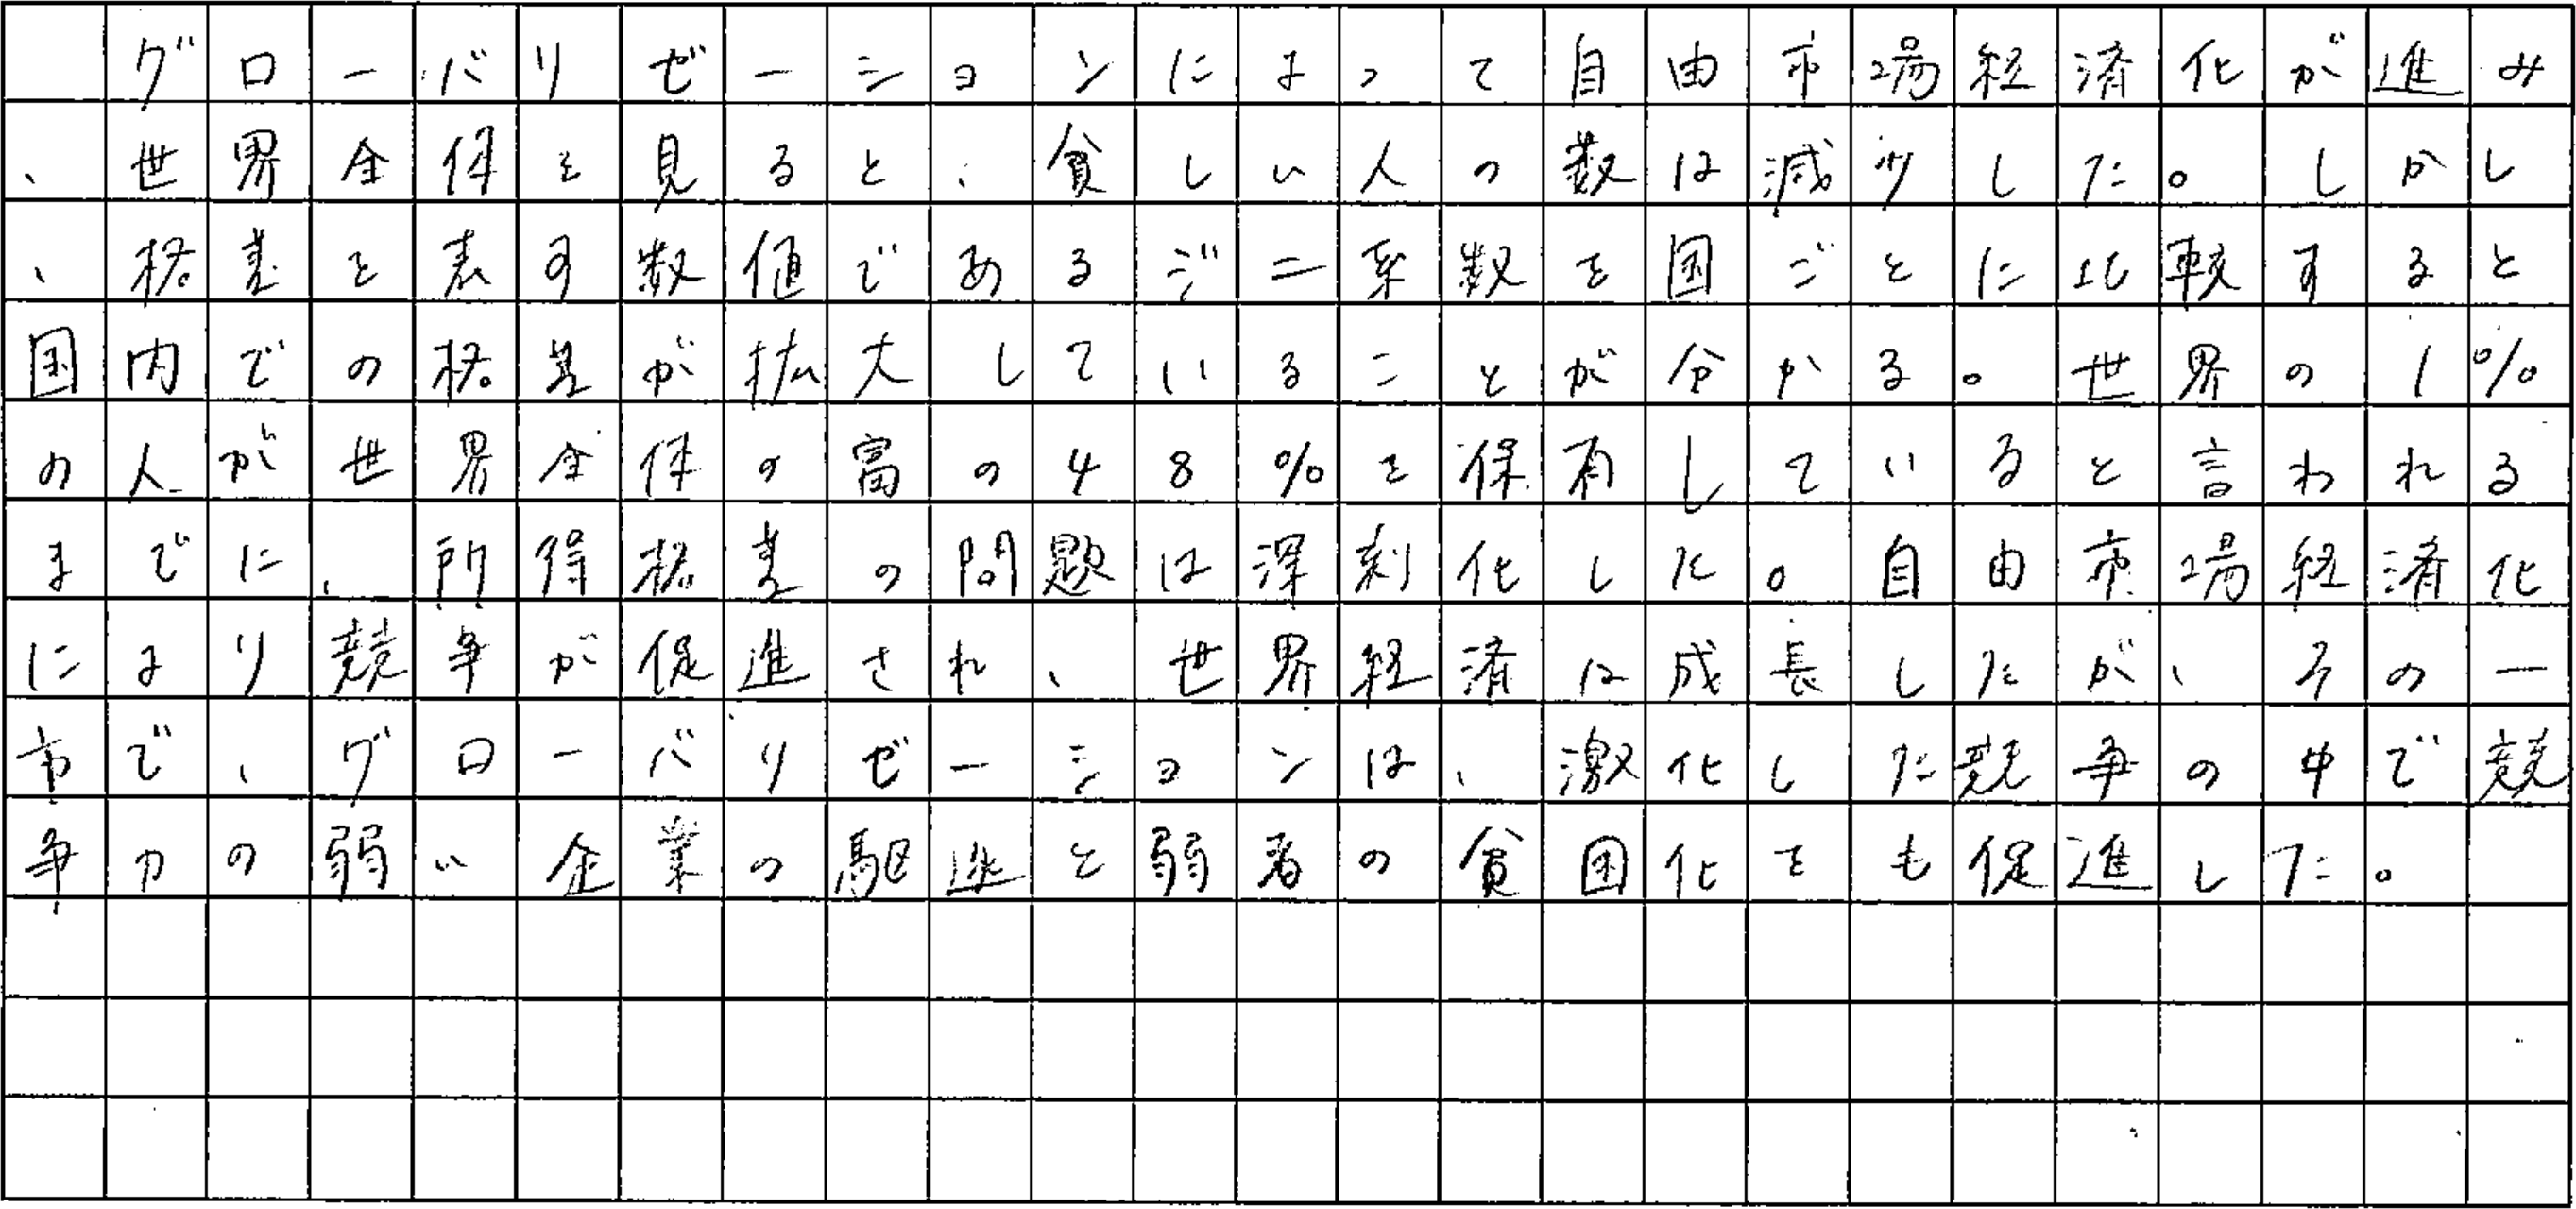　グローバリゼーションによって自由市場経済化が進み、世界全体を見ると、貧しい人の数は減少した。しかし、格差を表す数値であるジニ系数を国ごとに比較すると国内での格差が拡大していることが分かる。世界の１％の人が世界全体の富の４８％を保有していると言われるまでに、所得格差の問題は深▁化した。自由市場経済化により競争が促進され、世界経済は成長したが、その一方で、グローバリゼーションは、激化した競争の中で競争力の弱い企業の駆逐と弱者の貧困化をも促進した。
